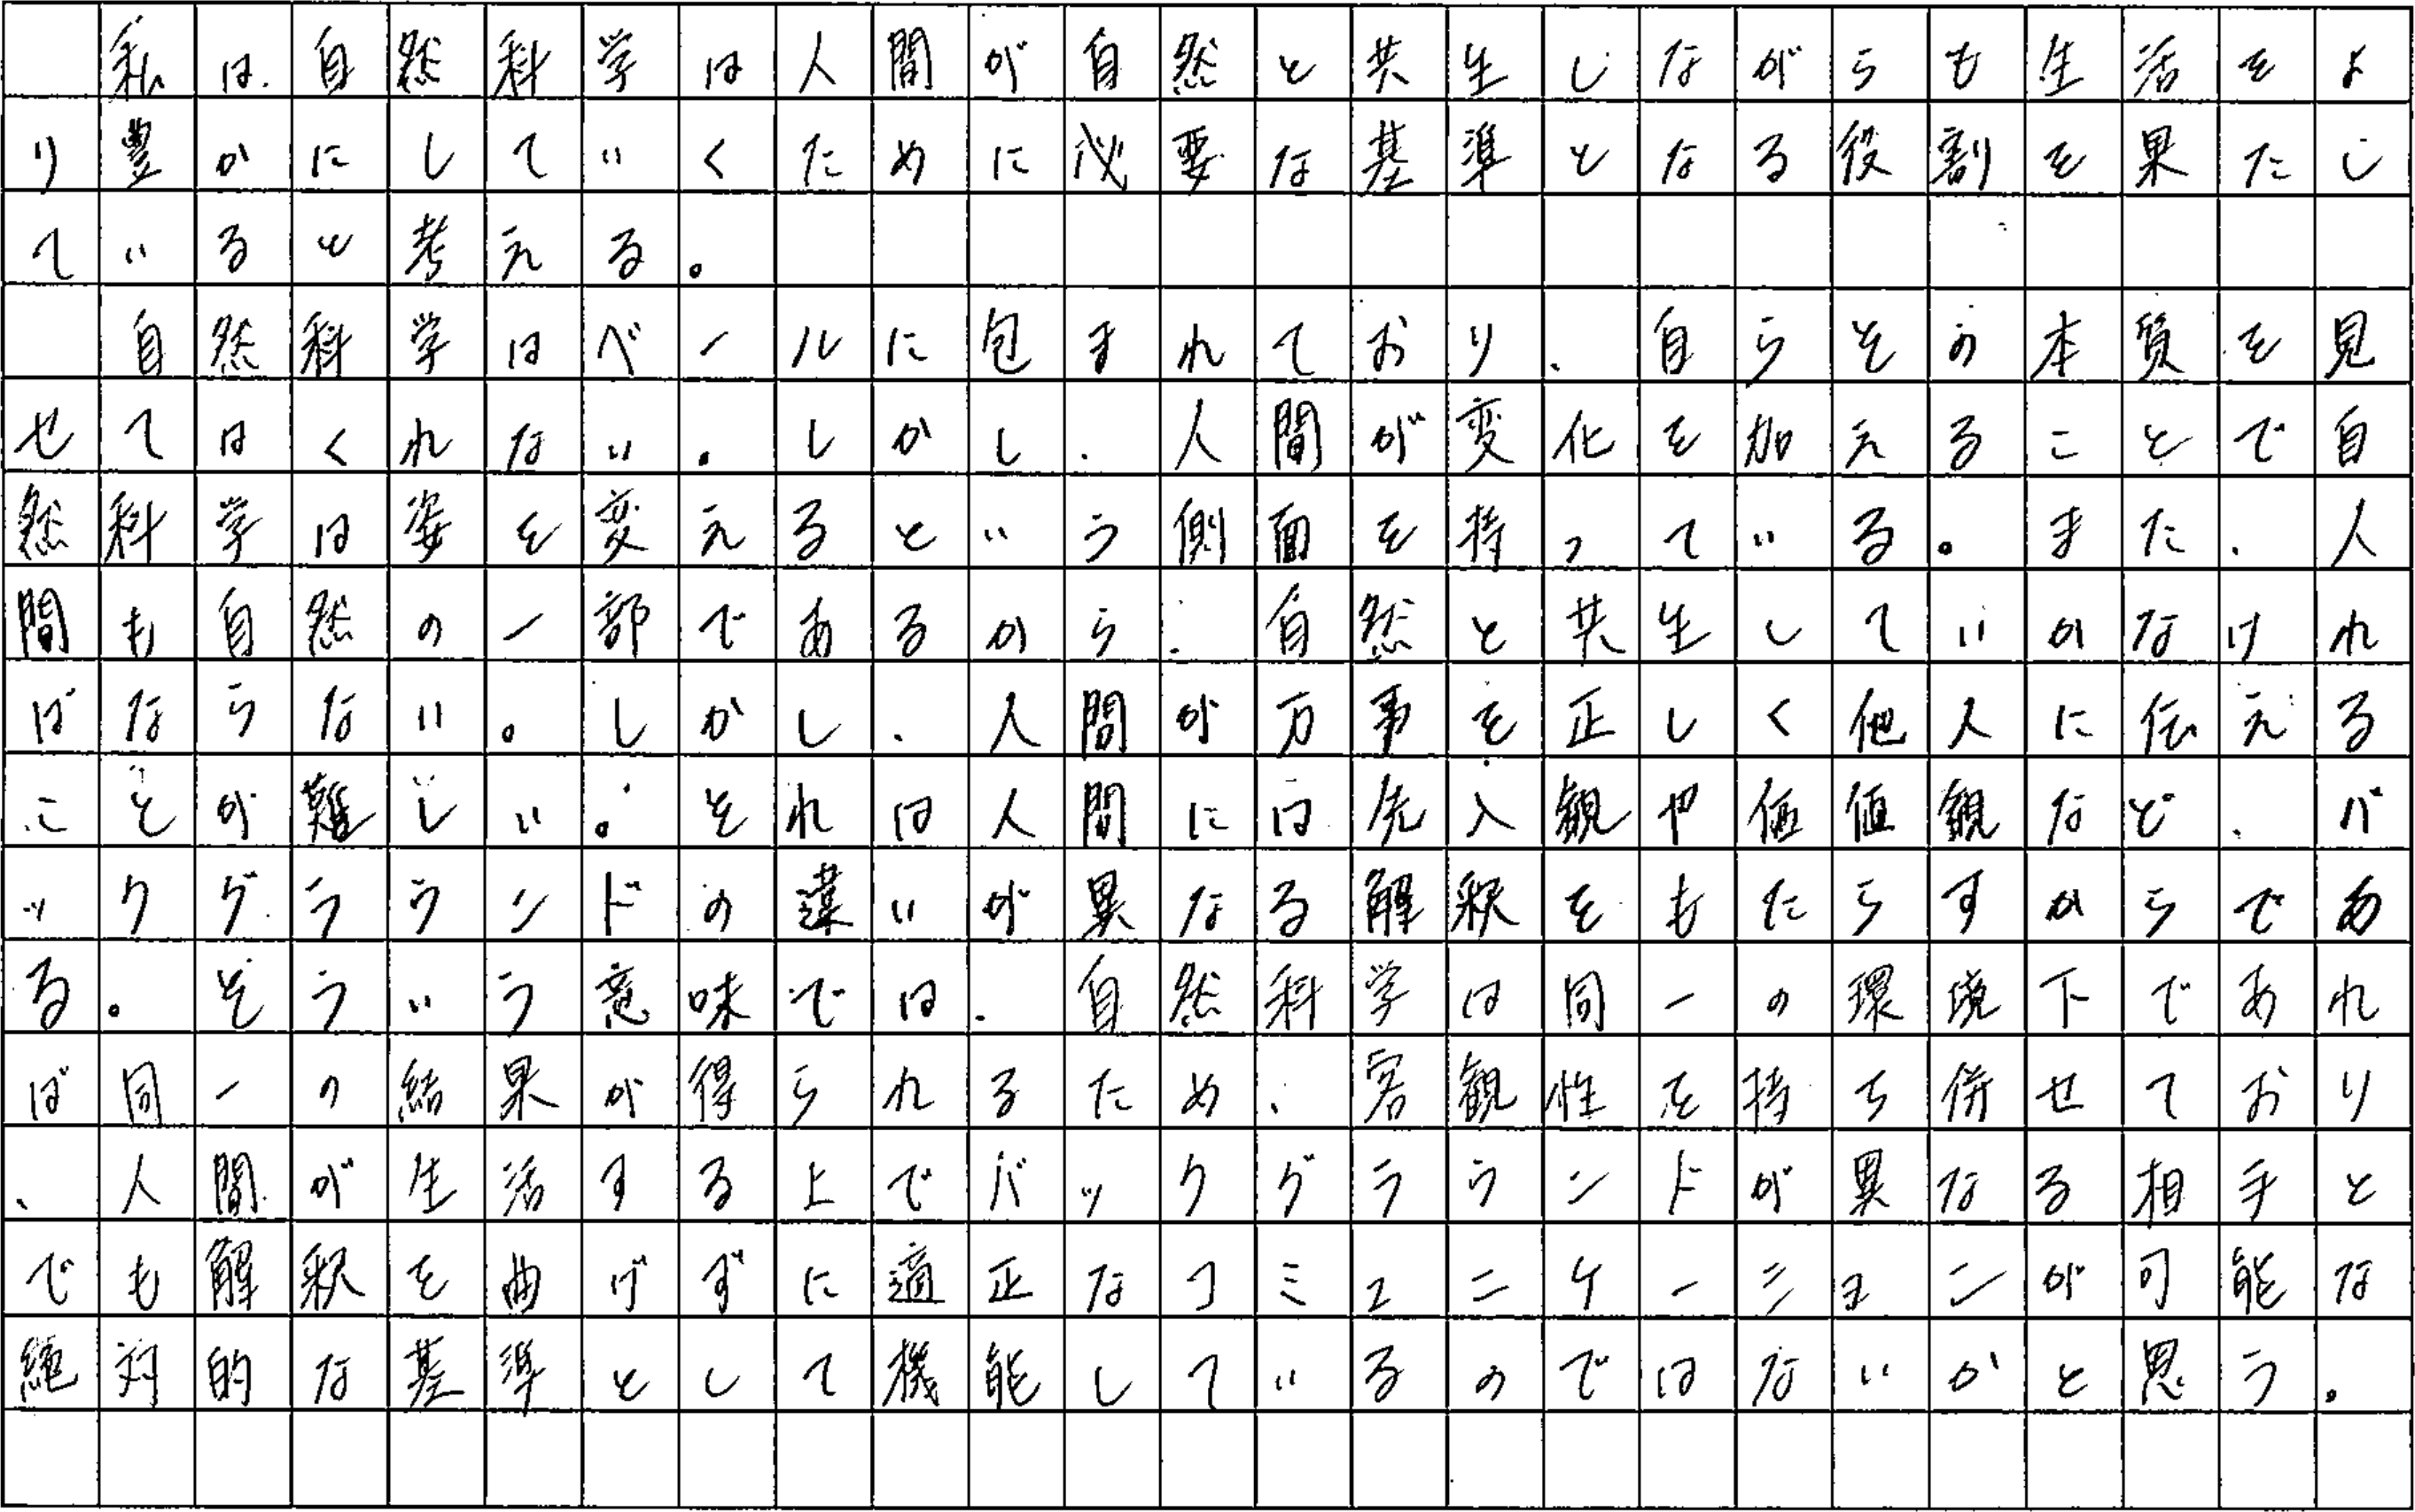　私は自然科学は人間が自然と共生しながらも生活をより豊かにしていくために必要な基準となる役割を果たしていると考える。
　自然科学はベールに包まれており、自らその本質を見せてはくれない。しかし、人間が変化を加えることで自然科学は姿を変えるという側面を持っている。また、人間も自然の一部であるから、自然と共生していかなければならない。しかし、人間が万事を正しく他人に伝えることが難しい。それは人間には先入観や価値観など、バックグラウンドの違いが異なる解釈をもたらすからである。そういう意味では、自然科学は同一の環境下であれば同一の結果が得られるため、客観性を持ち併せており、人間が生活する上でバックグラウンドが異なる相手とでも解釈を曲げずに適正なコミュニケーションが可能な絶対的な基準として機能しているのではないかと思う。
